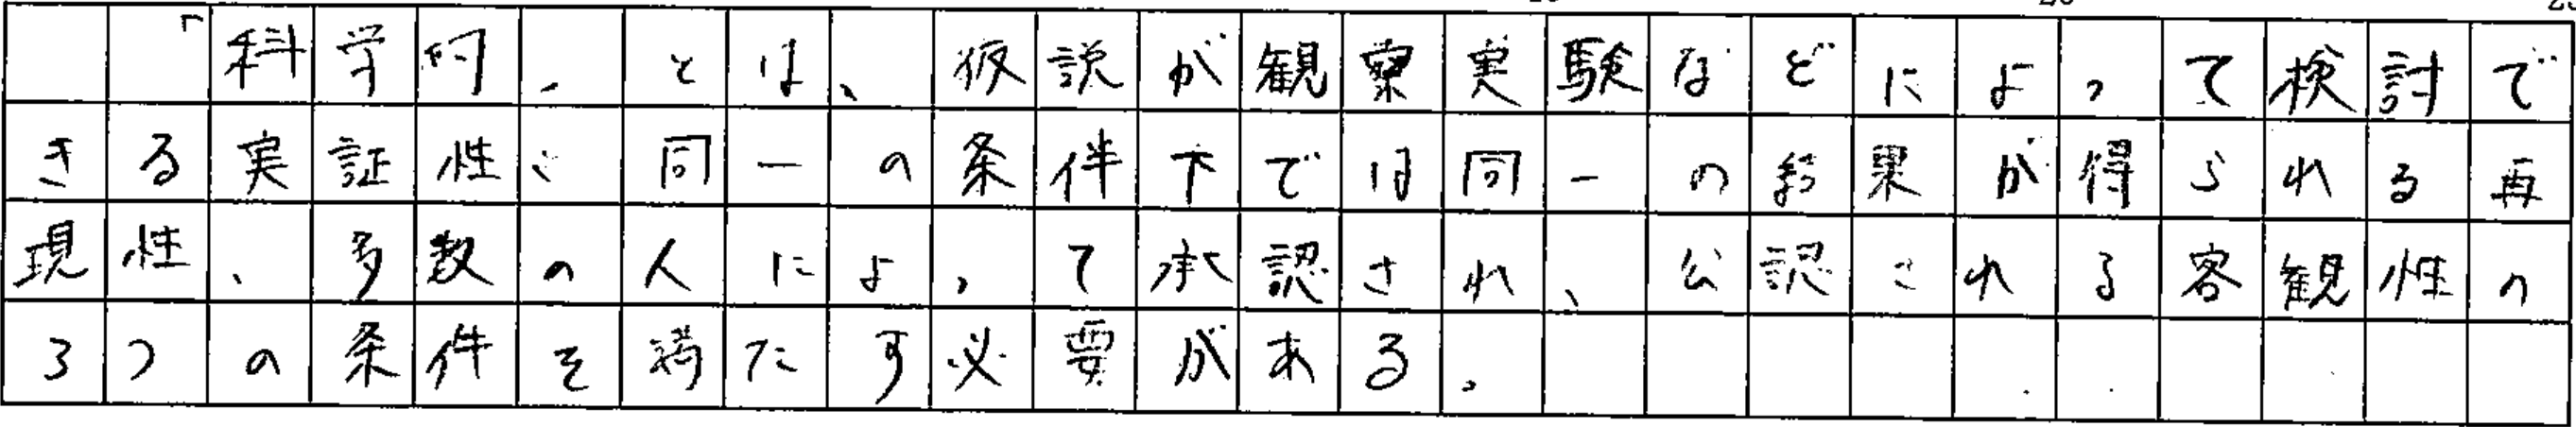　「科学的」とは、仮説が観察実験などによって検討できる実証性、同一の条▁下では同一の結果が得られる再現性、多数の人によって承認され、公認される客観性の３つの条件を満たす必要がある。
